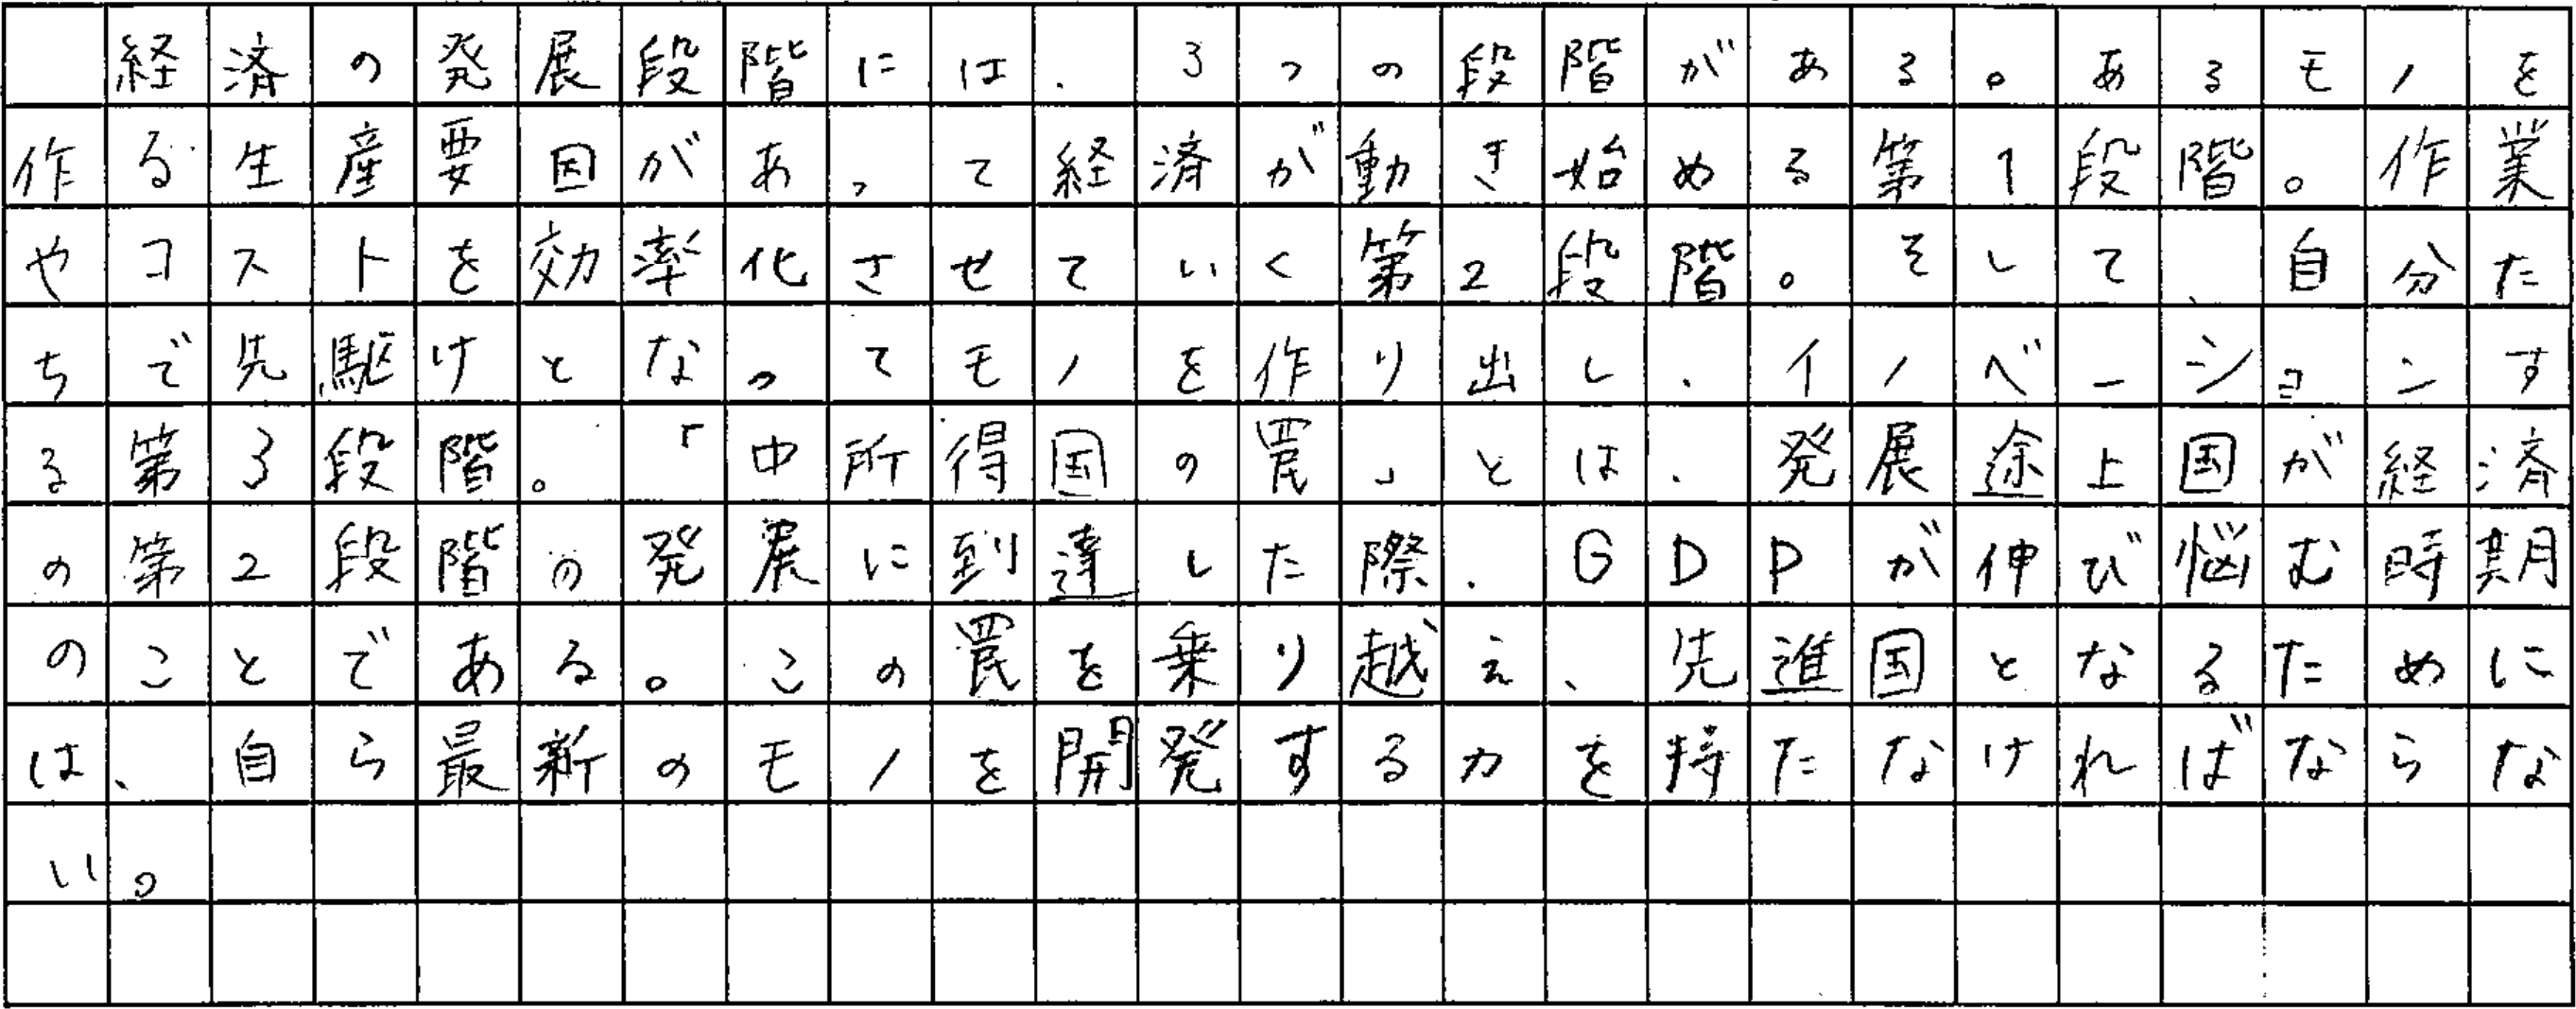　経済の発展段階には、３つの段階がある。あるモノを作る生産要因があって経済が動き始める第１段階。作業やコストを効率化させていく第２段階。そして、自分たちで先駆けとなってモノを作り出し、イノベーションする第３段階。「中所得国の罠」とは、発展途上国が経済の第２段階の発展に到達した際、ＧＤＰが伸び悩む時期のことである。この罠を乗り越え、先進国となるためには、自ら最新のモノを開発する力を持たなければならない。
